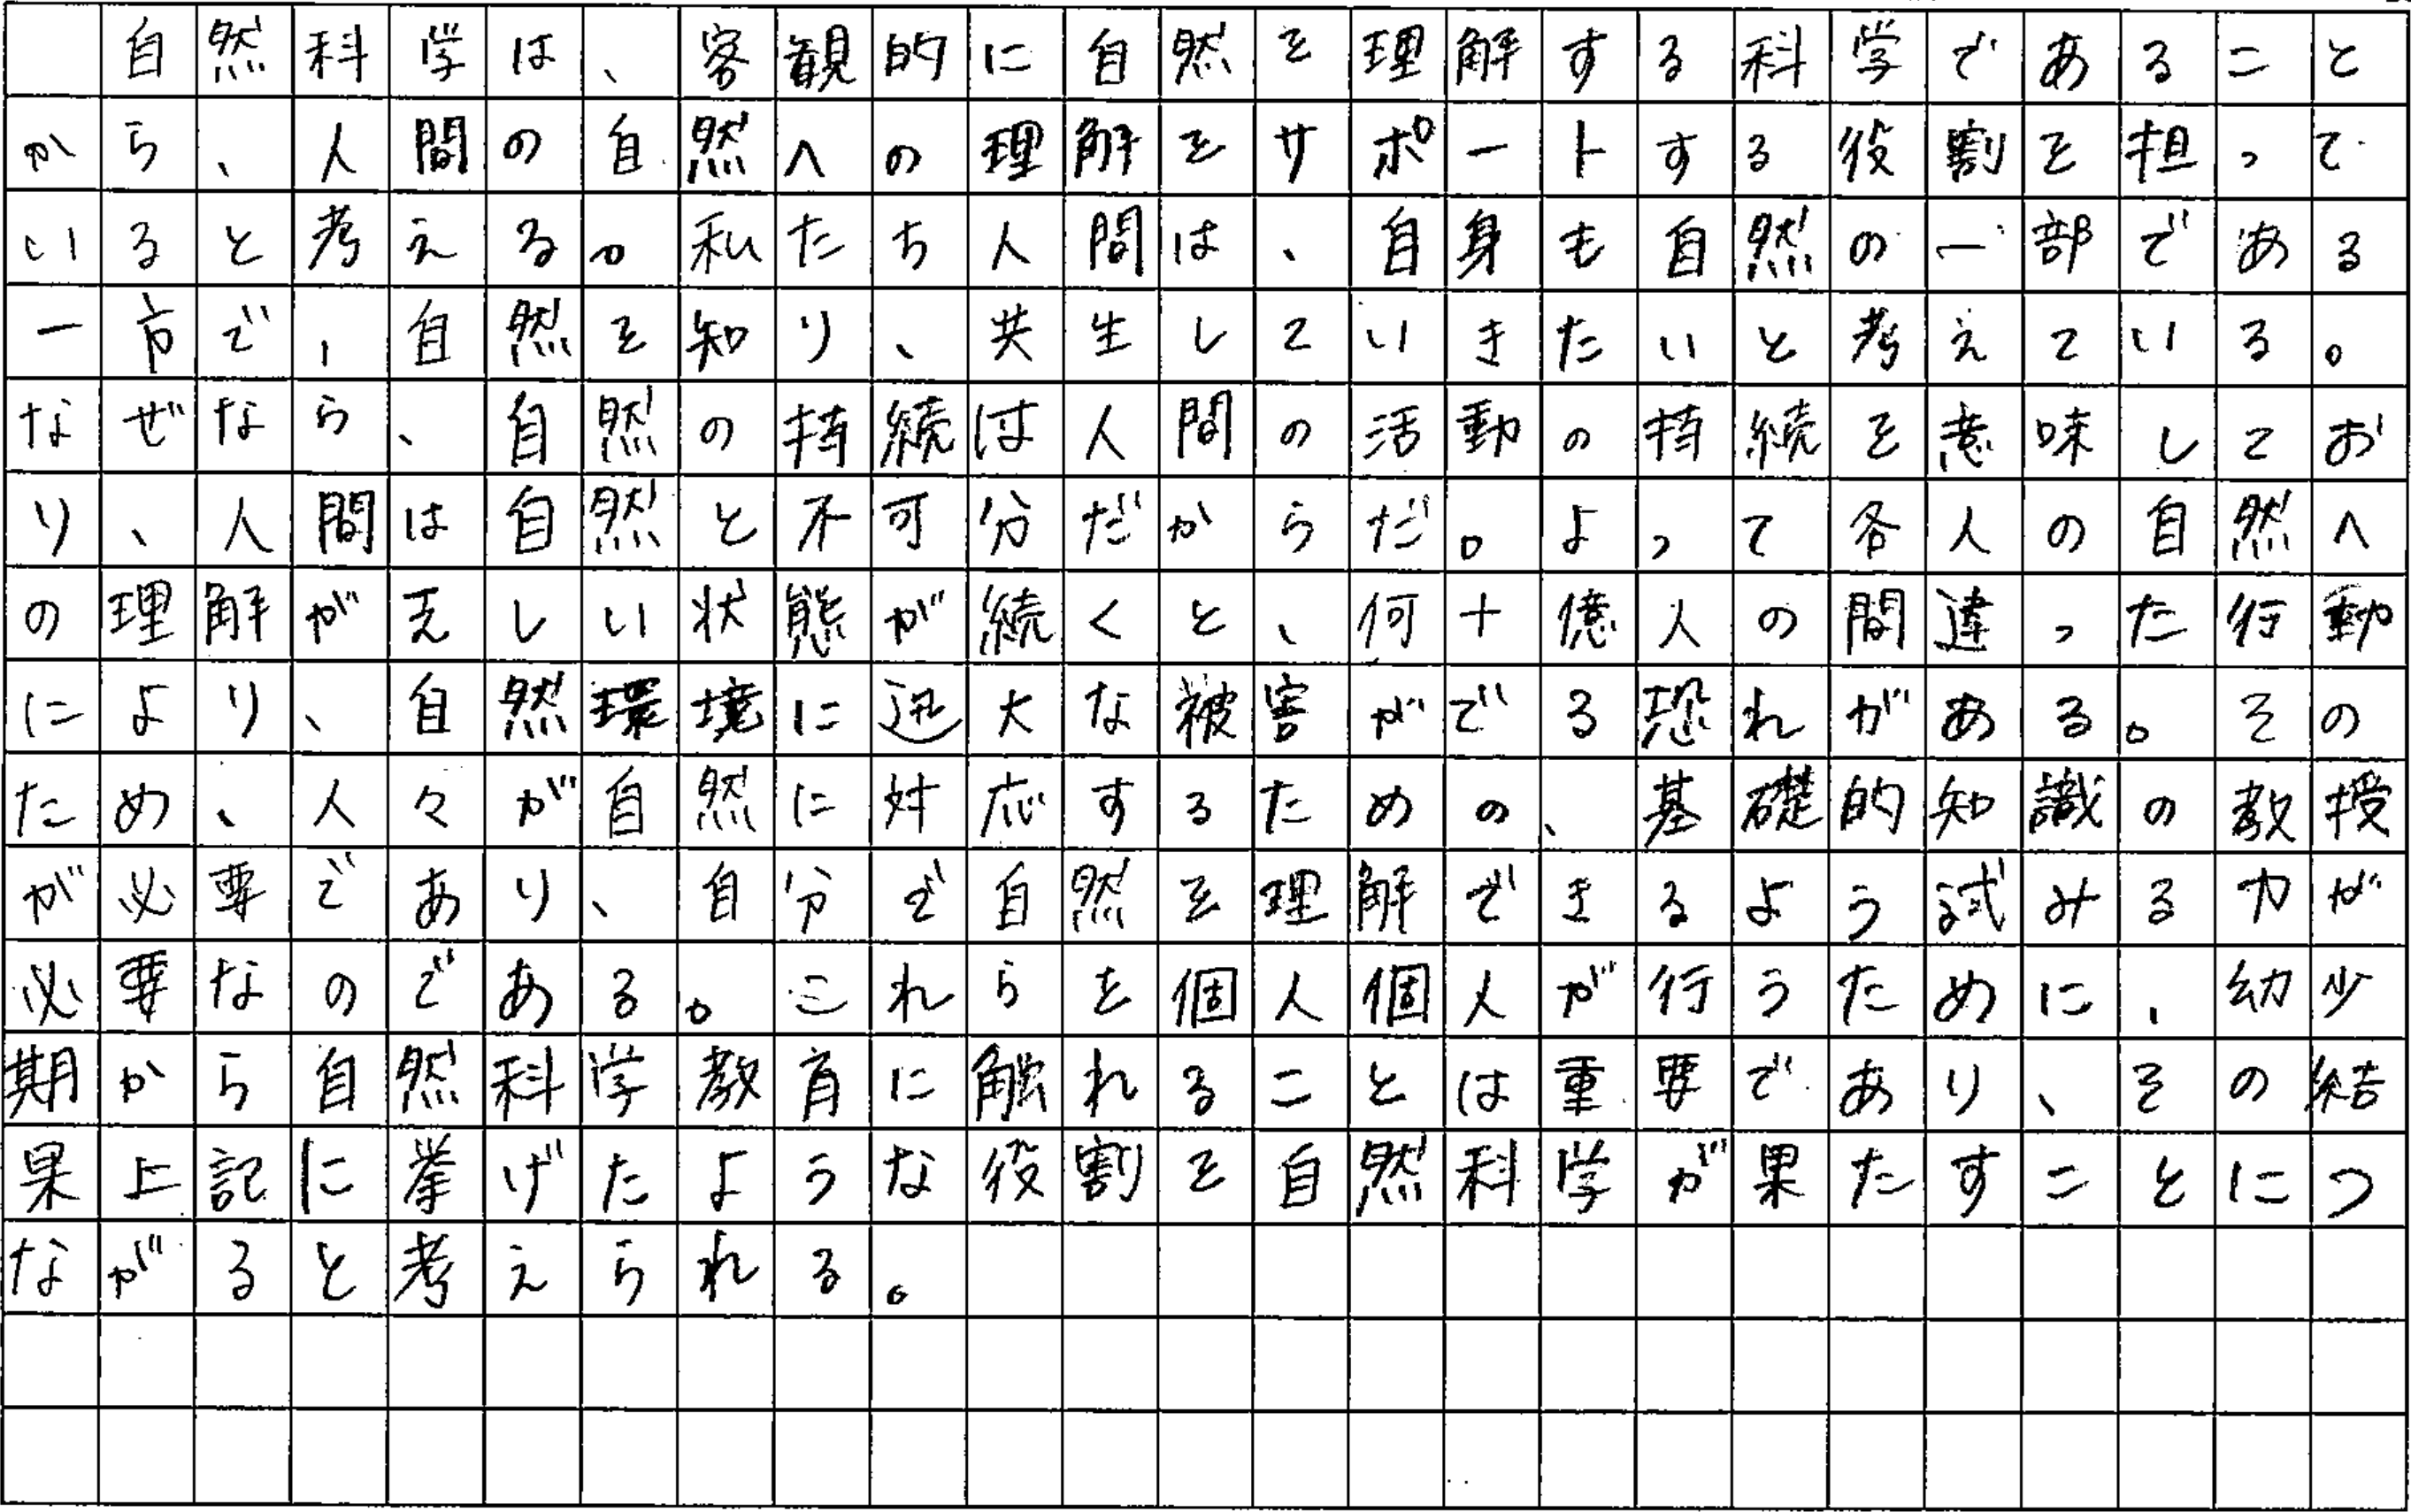自然科学は、客観的に自然を理解する科学であることから、人間の自然への理解をサポートする役割を担っていると考える。私たち人間は、自身も自然の一部である一方で、自然を知り、強制していきたいと考えている。なぜなら、自然の持続は人間の活動の持続を意味しており、人間は自然と不可分だからだ。よって各人の自然への理解が乏しい状態が続くと、何十億人の間違った行動により、自然環境に迅大な被害がでるおそれがある。そのため、人々が自然に対応するための、基礎的知識の教授が必要であり、自分で自然を理解できるよう試みる力が必要なのである。これらを個人個人が行うために、幼少期から自然科学教育に触れることは重要であり、その結果上記に挙げたような役割を自然科学が果たすことにつながると考えられる
